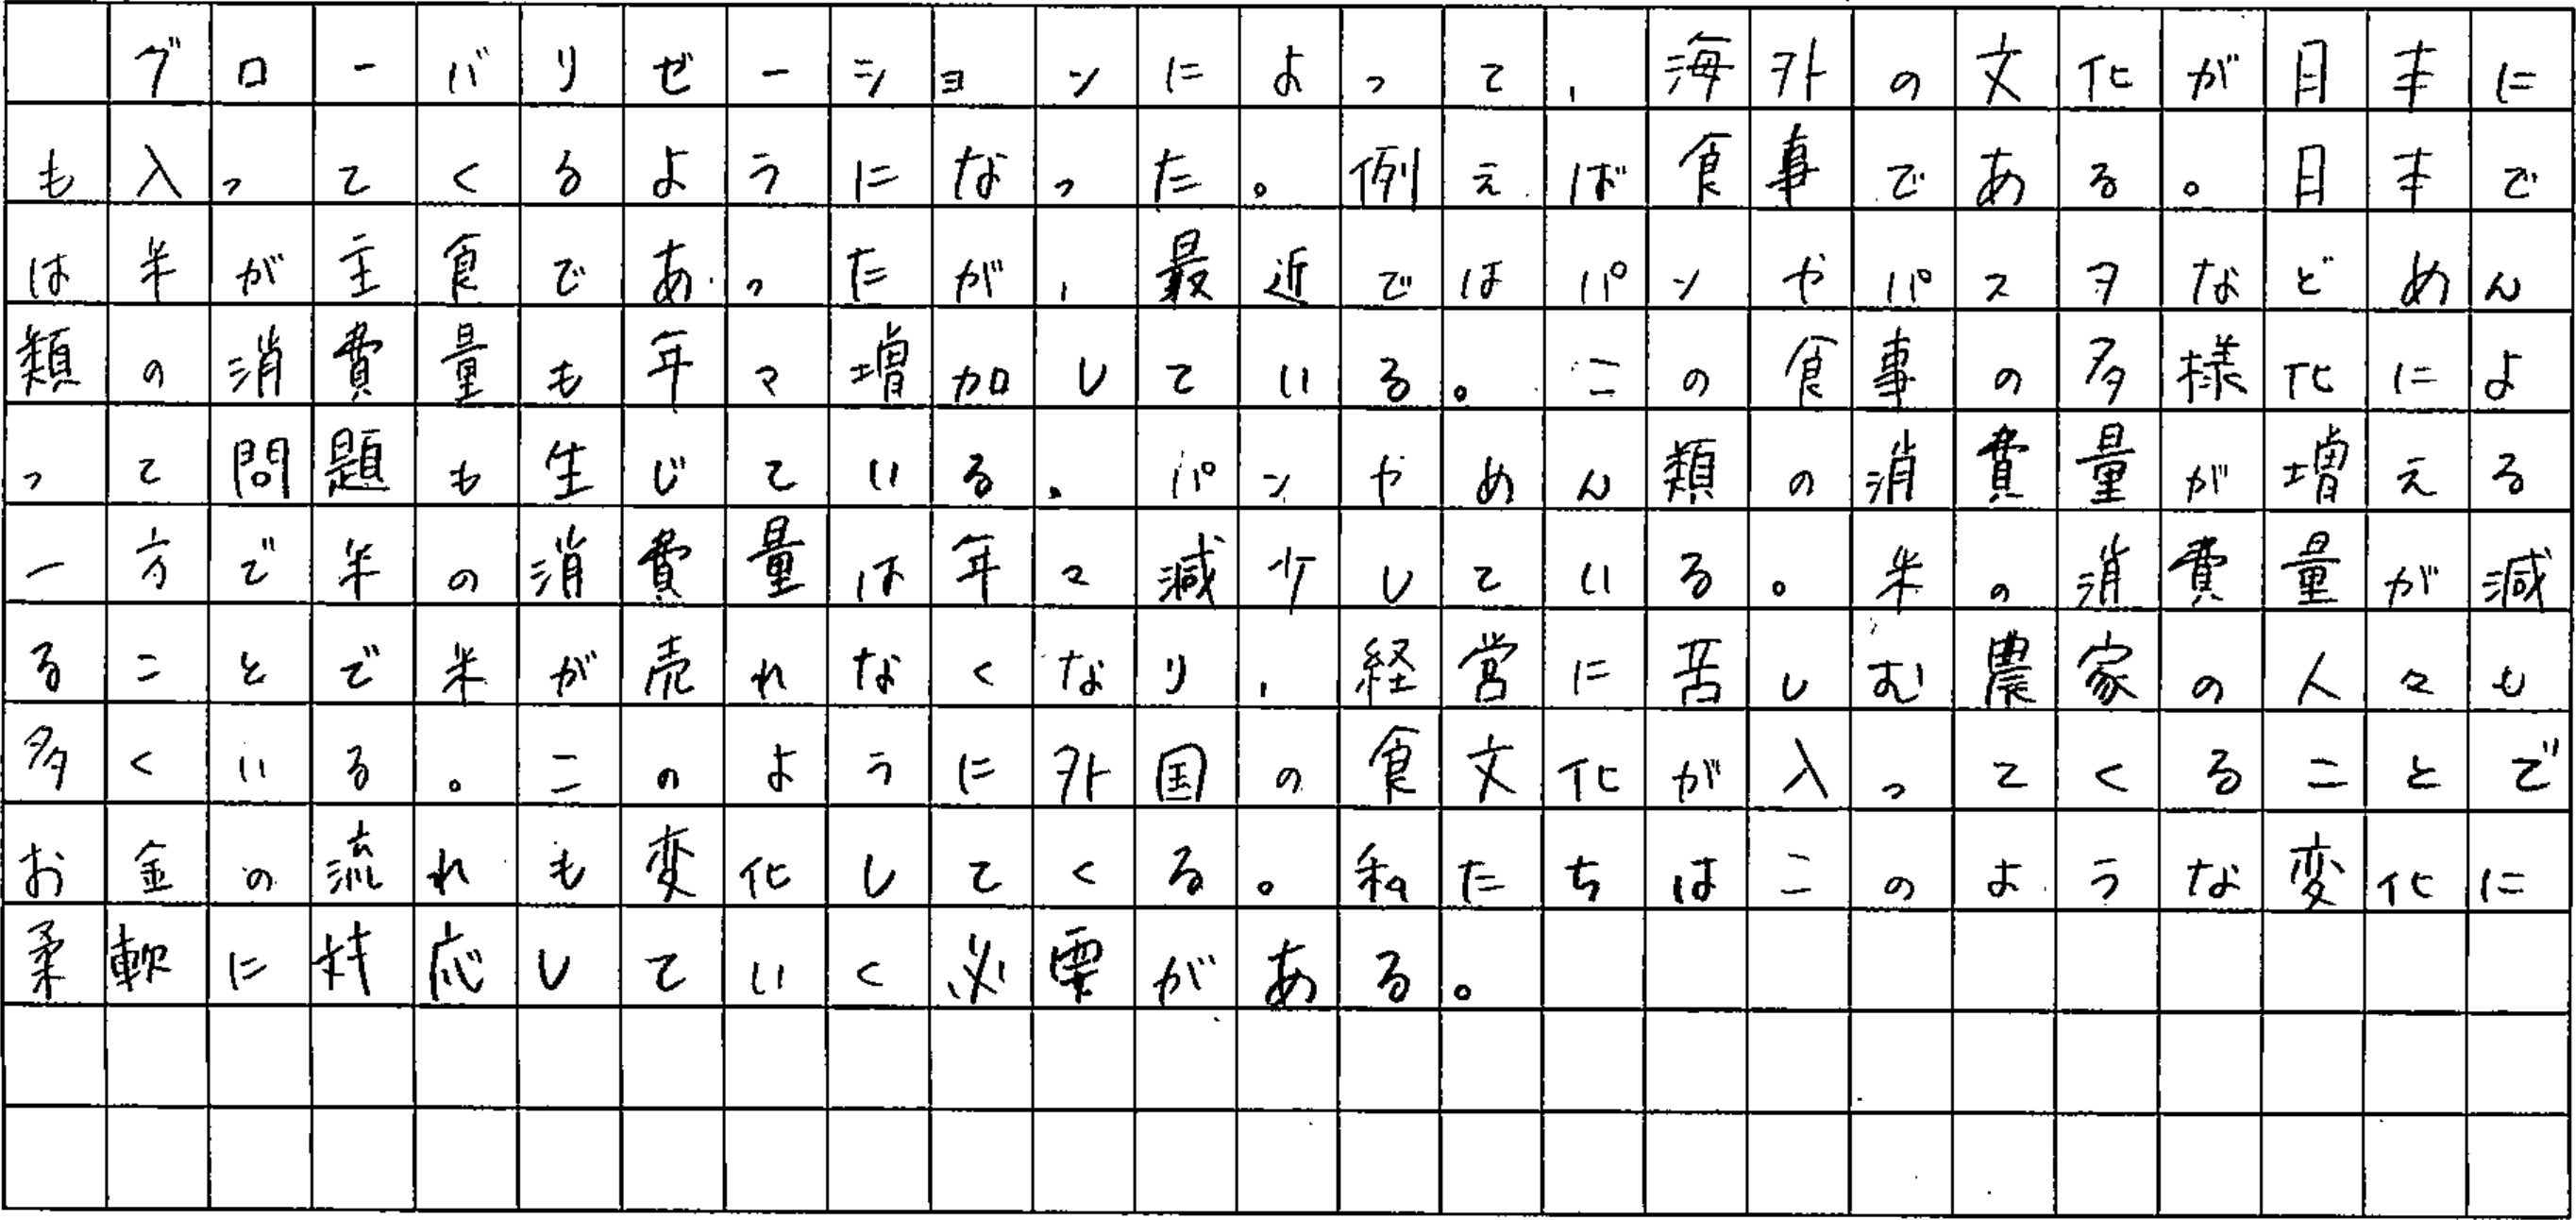　グローバリゼーションによって、海外の文化が日本にも入ってくるようになった。例えば食事である。日本では米が主食であったが、最近ではパンやパスタなどめん類の消費量も年々増加している。この食事の多様化によって問題も生じている。パンやめん類の消費量が増える一方で米の消費量は年々減少している。米の消費量が減ることで米が売れなくなり、経営に苦しむ農家の人々も多くいる。このように外国の食文化が入ってくることでお金の流れも変化してくる。私たちはこのような変化に柔軟に対応していく必要がある。
